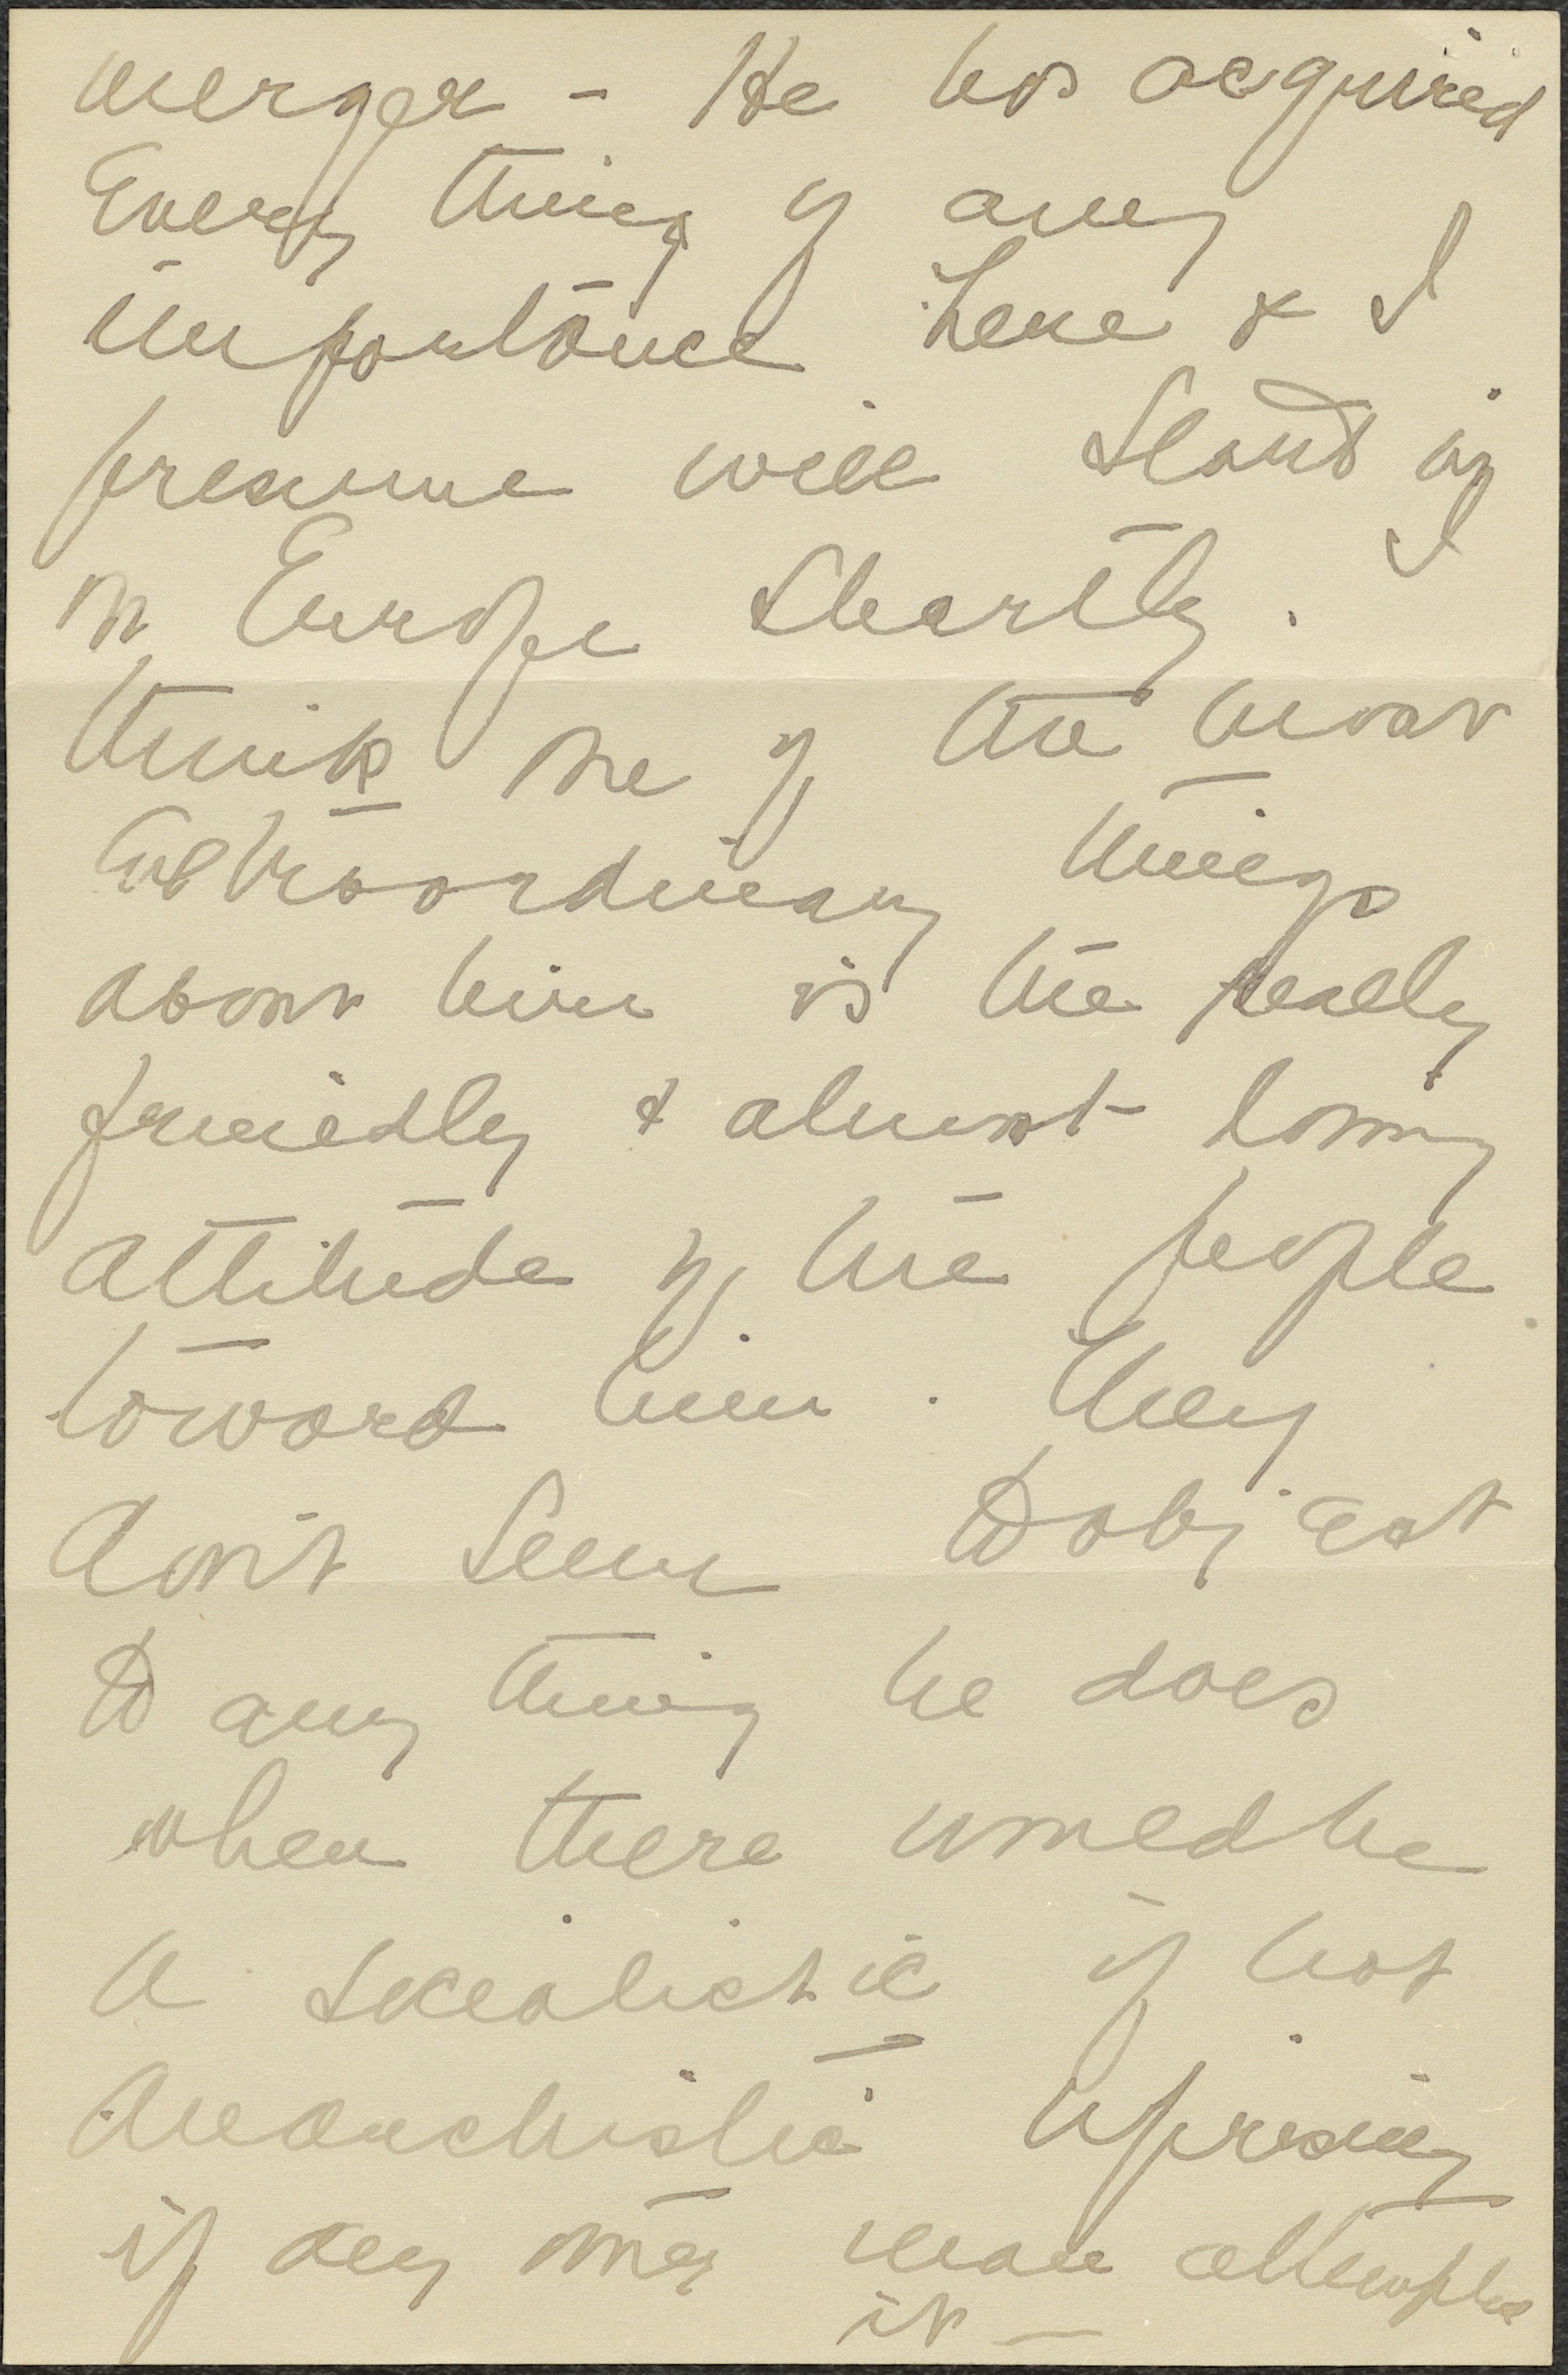merger – He has acquired every thing of any importance here & I presume will start in on Europe shortly. I think one of the most extraordinary things about him is the really friendly & almost loving attitude of the people toward him. They don’t seem to object to any thing he does when there would be a socialistic if not anarchistic uprising if any other man attempted it –